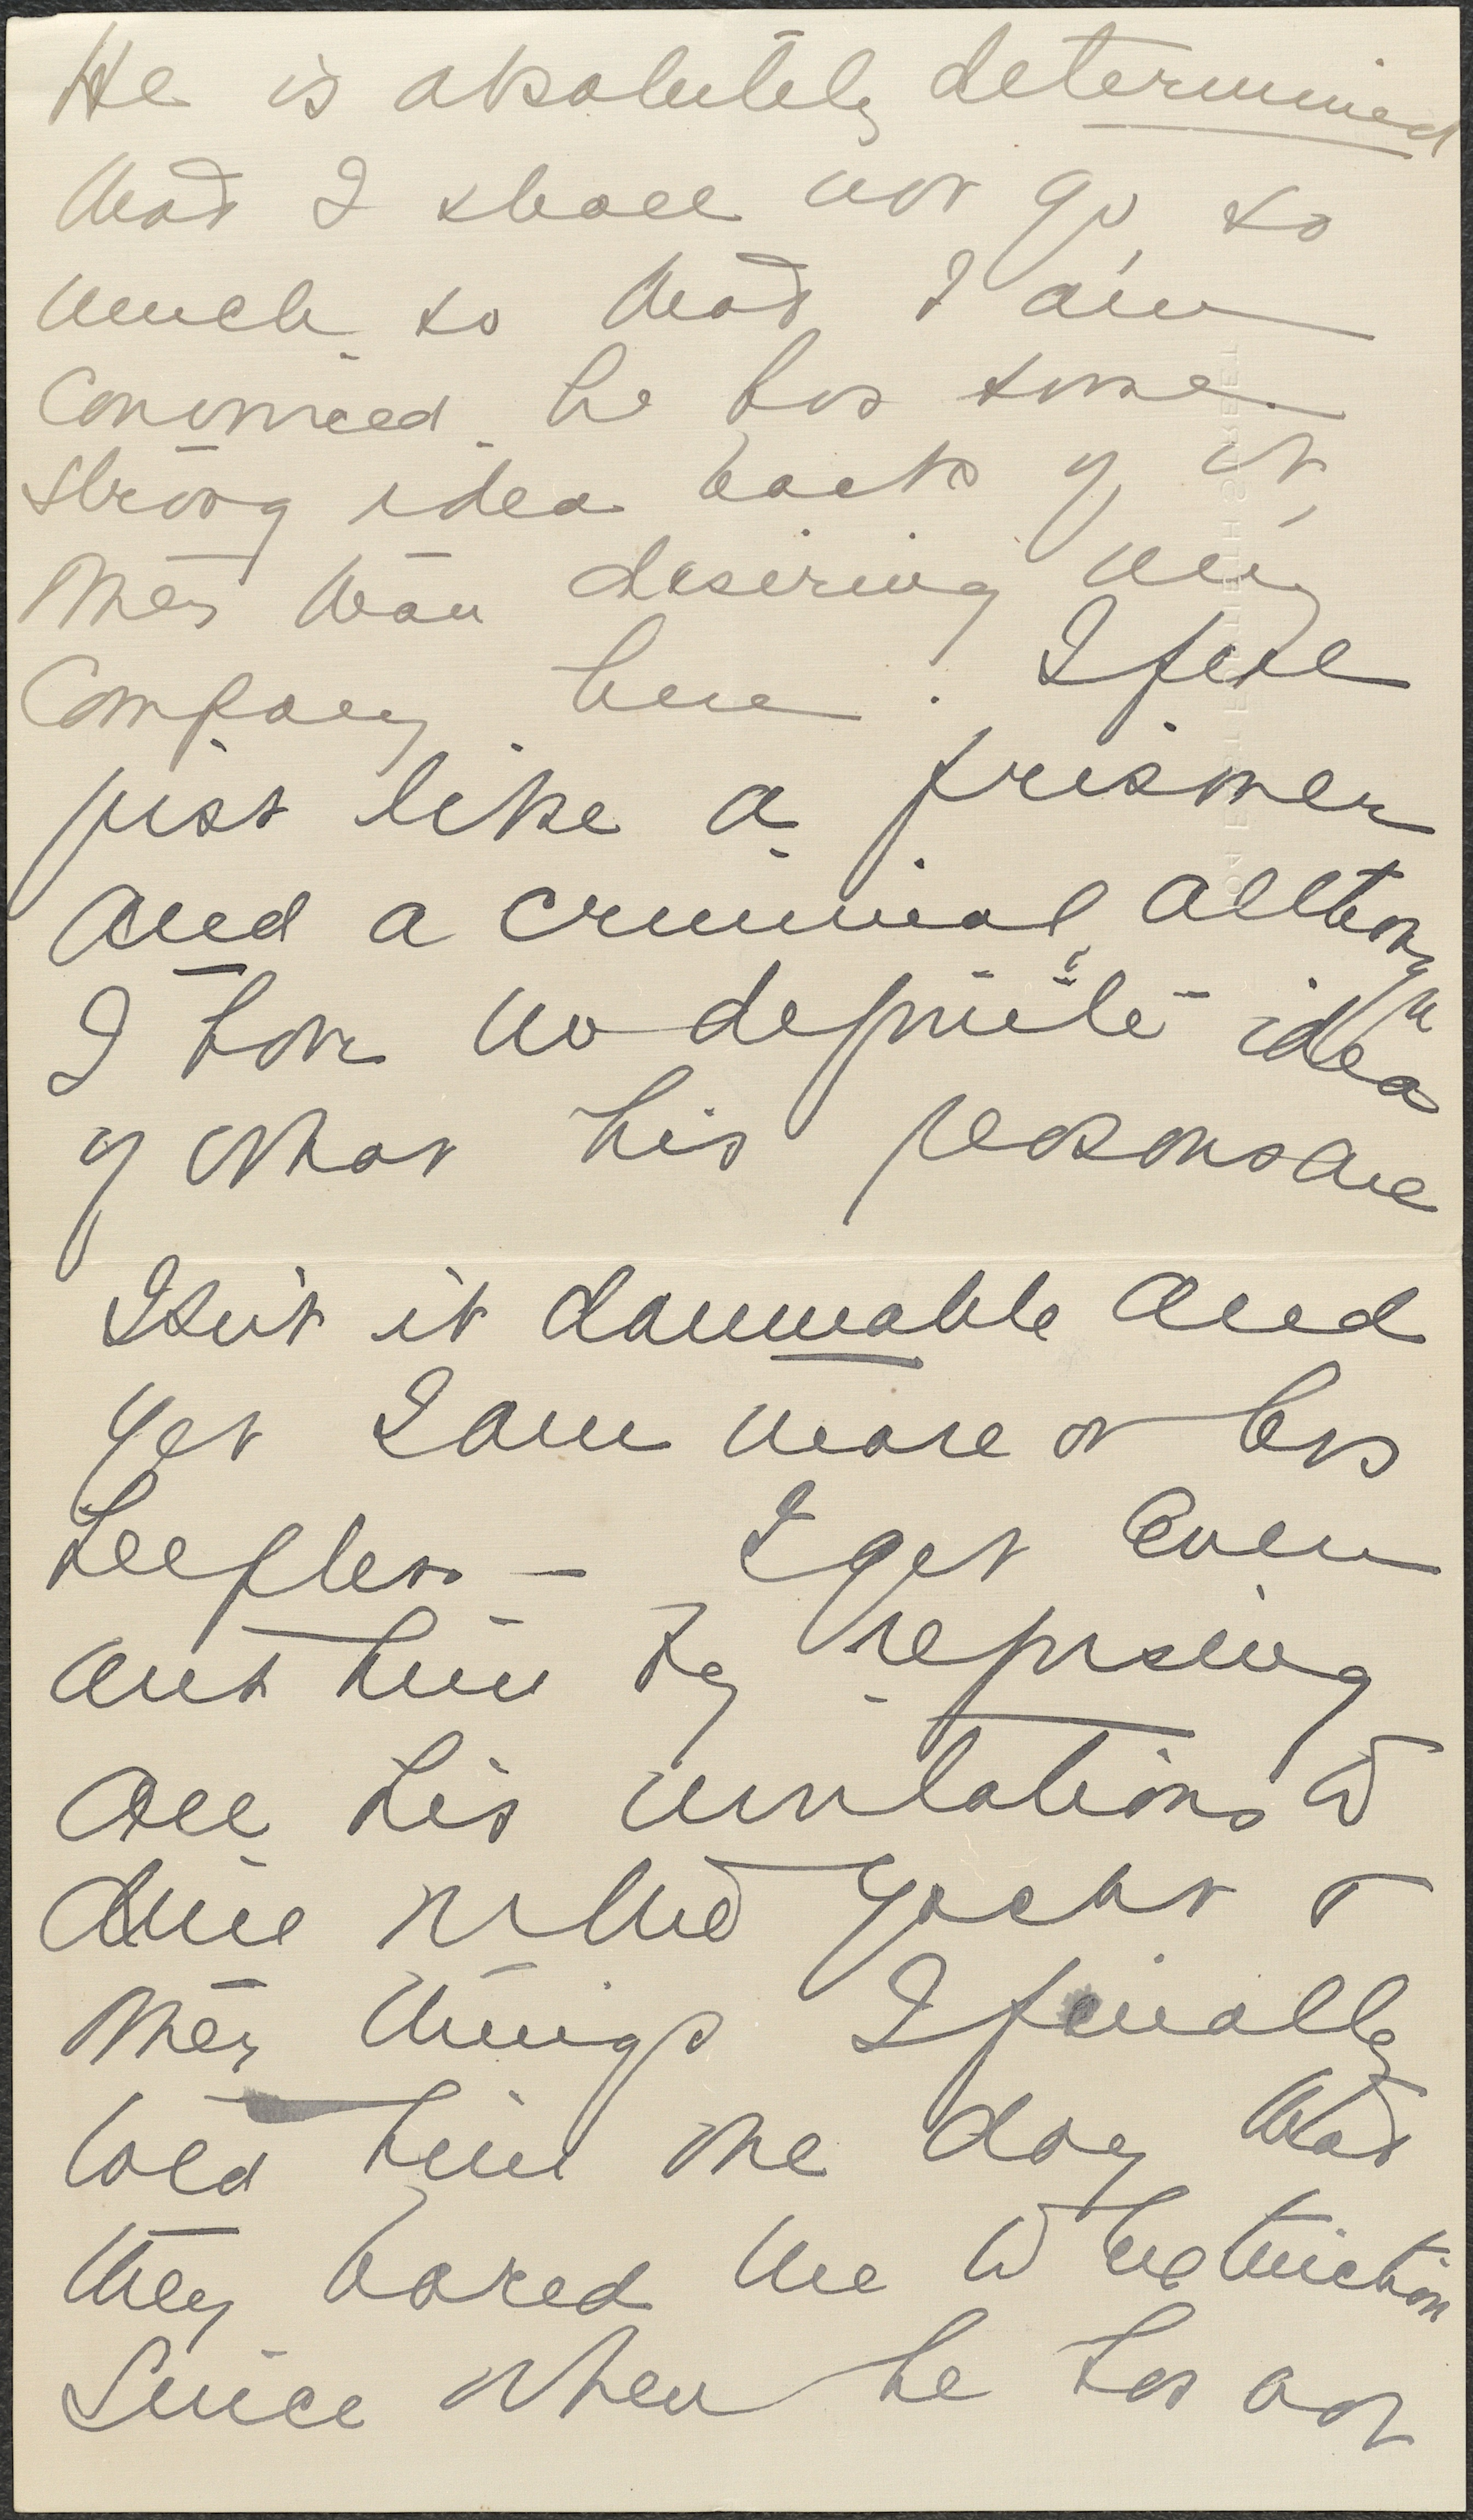He is absolutely determined that I shall not go, so much so that I am convinced he has some strong idea back of it, other than desiring my company here. I feel just like a prisoner and a criminal although I have no definite idea of what his reasons are Isn’t it damnable and yet I am more or less helpless – I get even with him by refusing all his invitations to dine on the yacht & other things I finally told him one day that they bored me to extinction since then he has not